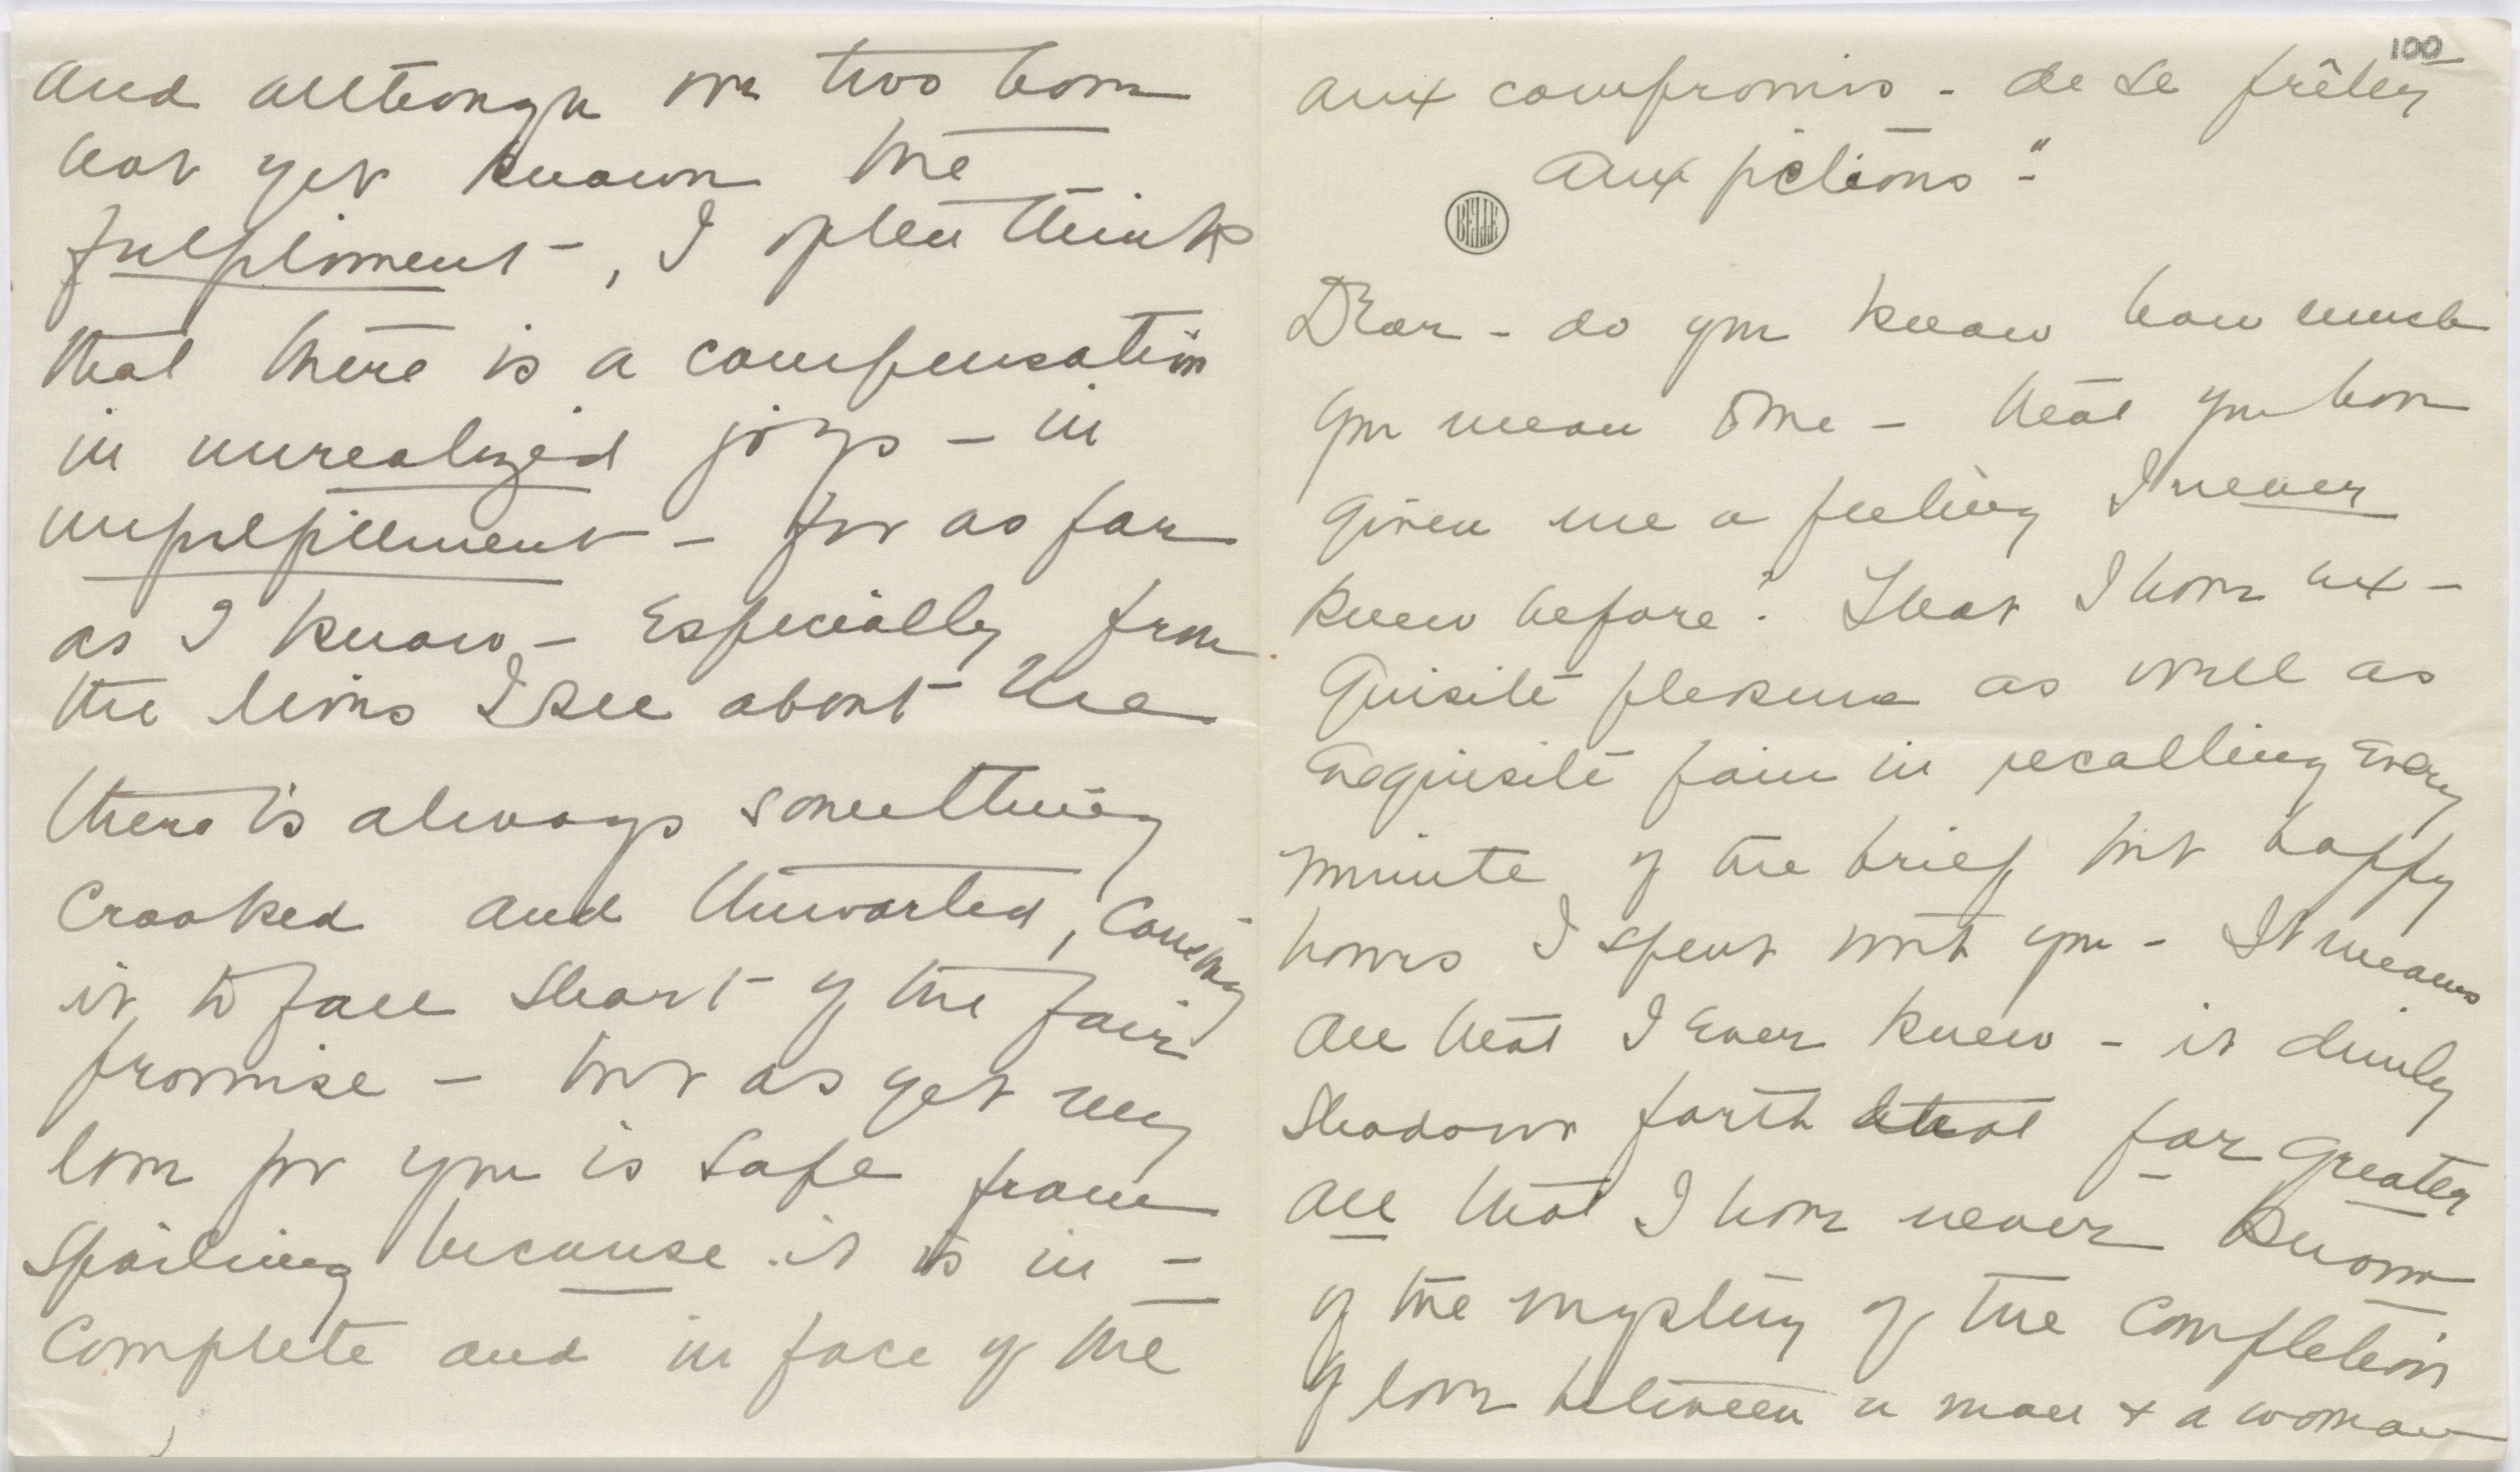aux compromis – de se prêter aux fictions – ”
Dear – do you know how much you mean to me – that you have given me a feeling I never knew before? That I have exquisite pleasure as well as exquisite pain in recalling every minute of the brief but happy hours I spent with you – It means all that I ever knew – it dimly shadows forth [illegible deletion] that far greater all that I have never known of the mystery of the completion of love between a man & a woman
and although we two have not yet known the fulfilment [sic], I often think that there is a compensation in unrealized joys – in unfulfillment – for as far as I know – especially from the lives I see about me there is always something crooked and thwarted, causing it to fall short of the fair promise – but as yet my love for you is safe from spoiling because it is incomplete and in face of the